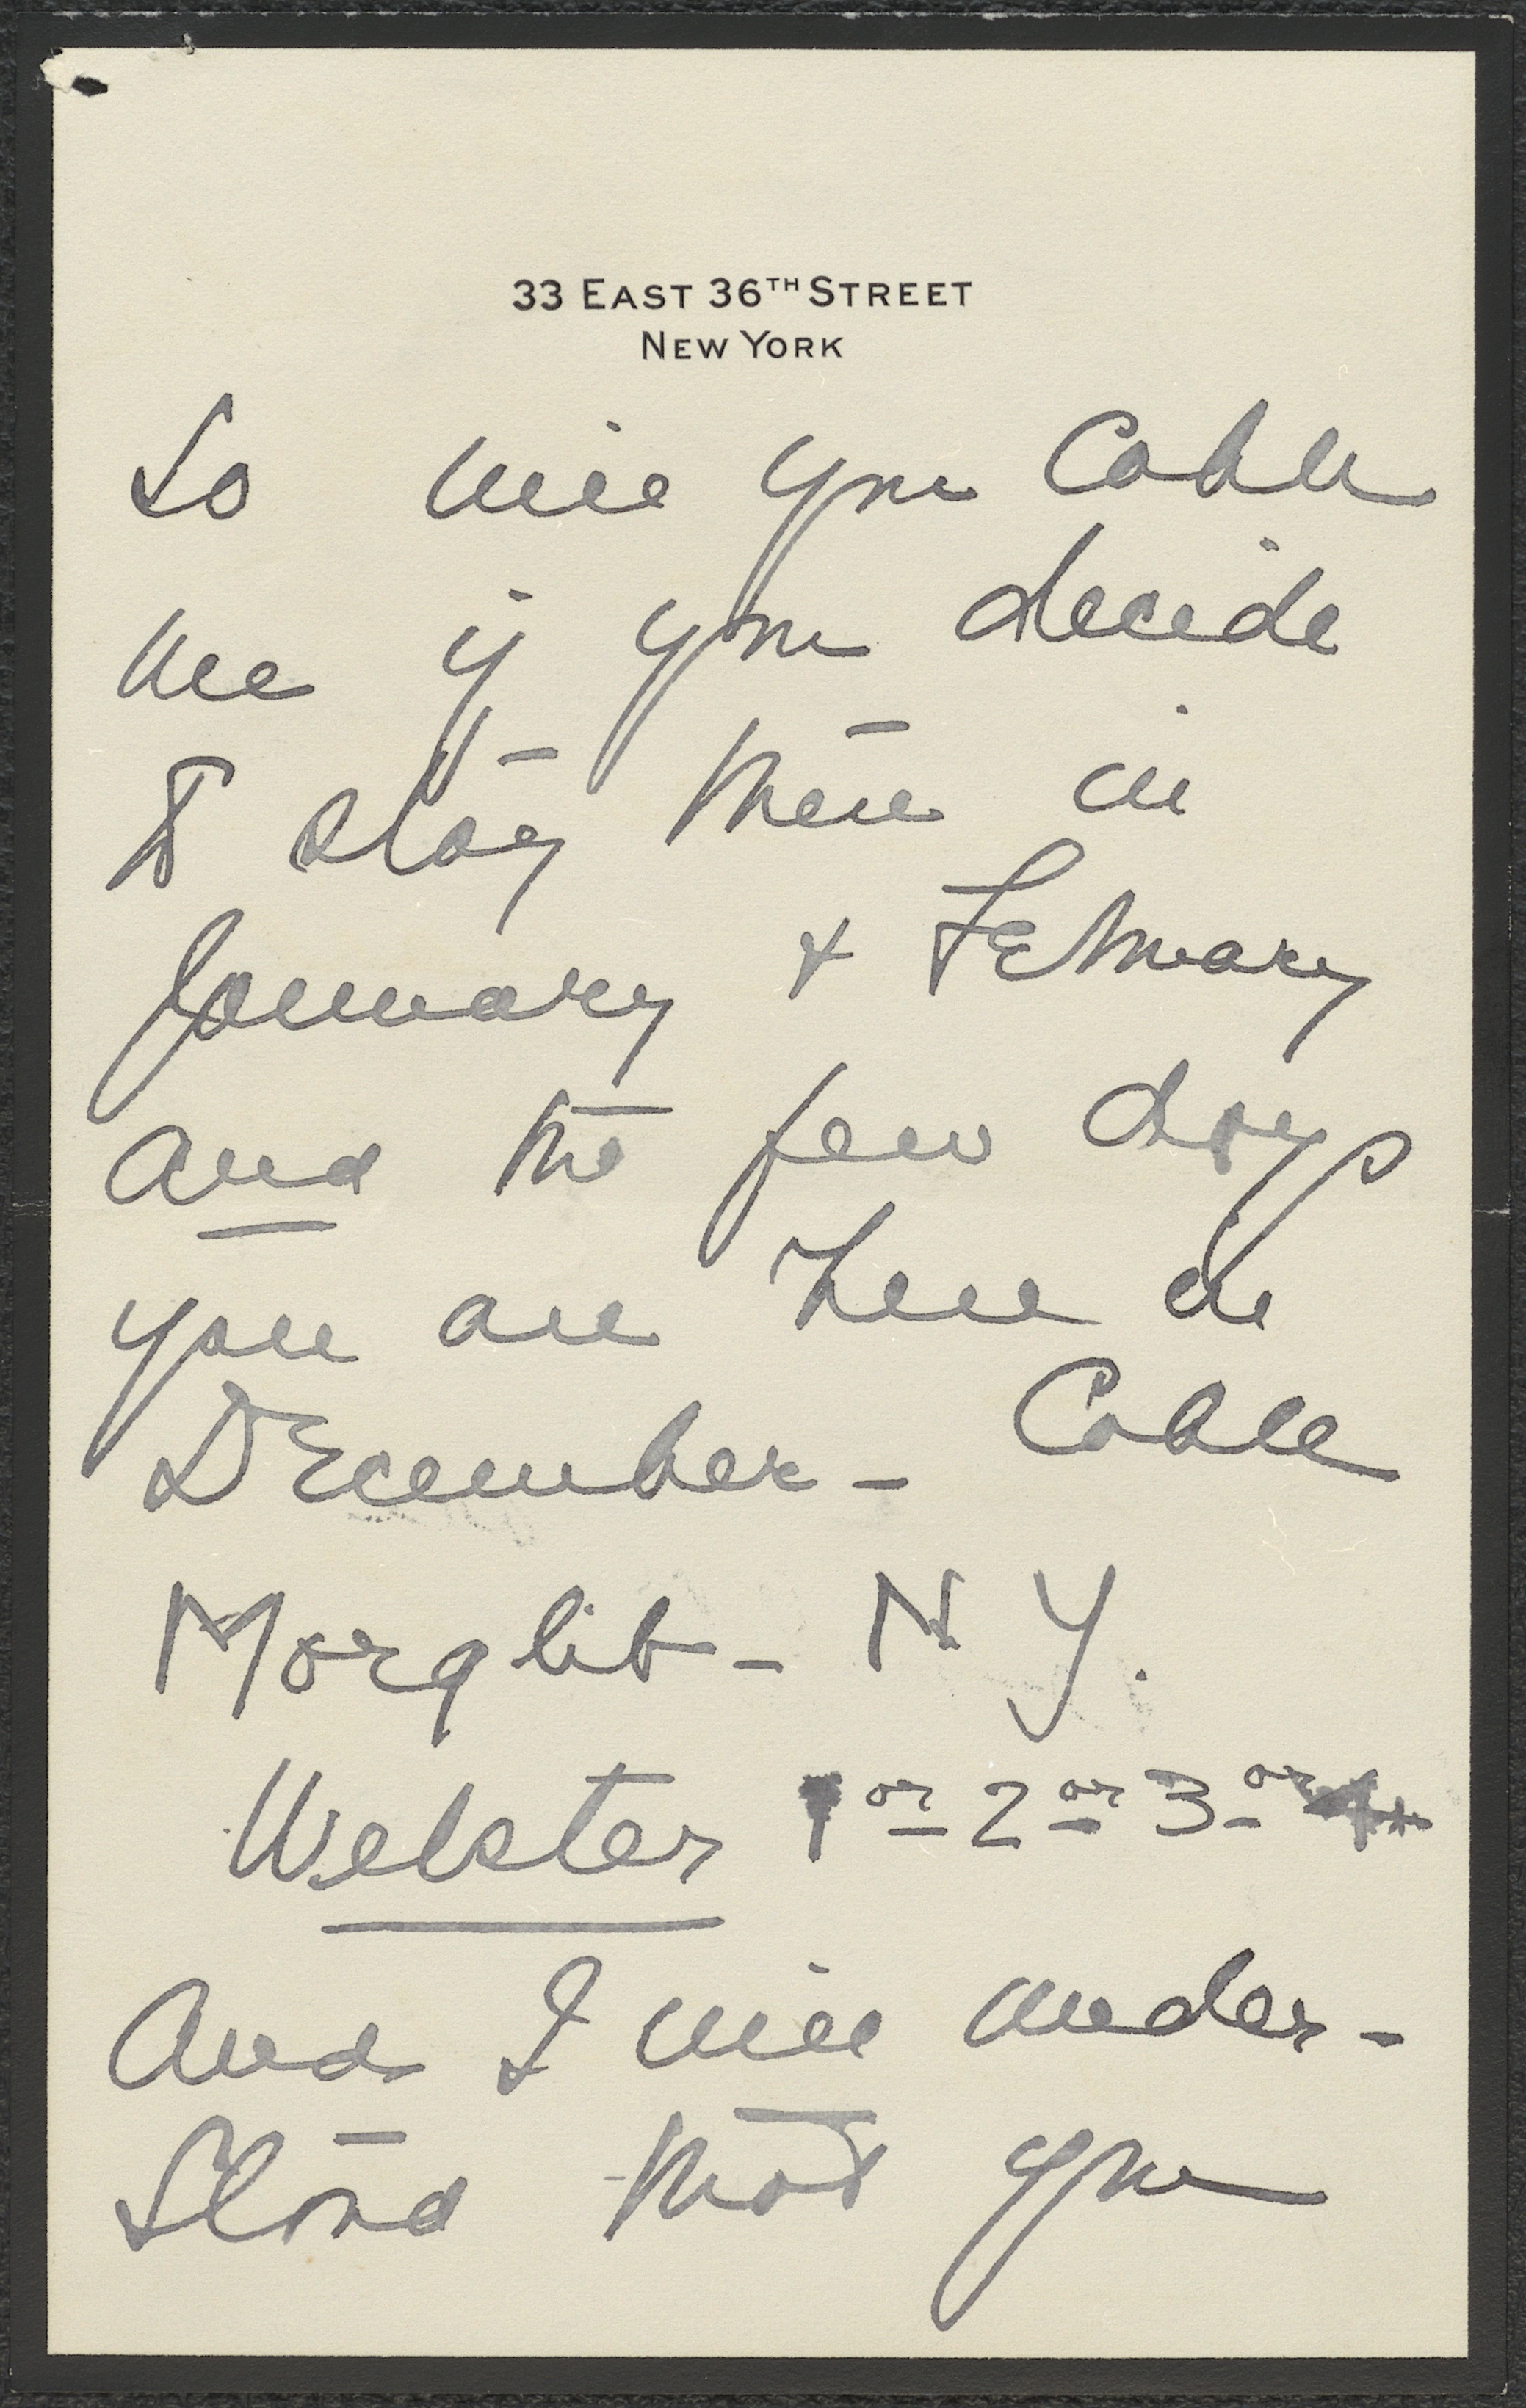So will you cable me if you decide to stay there in January & February and the few days you are here in December – Cable Morglib – N.Y.
Webster 1 or 2 or 3 or 4
And I will understand that you